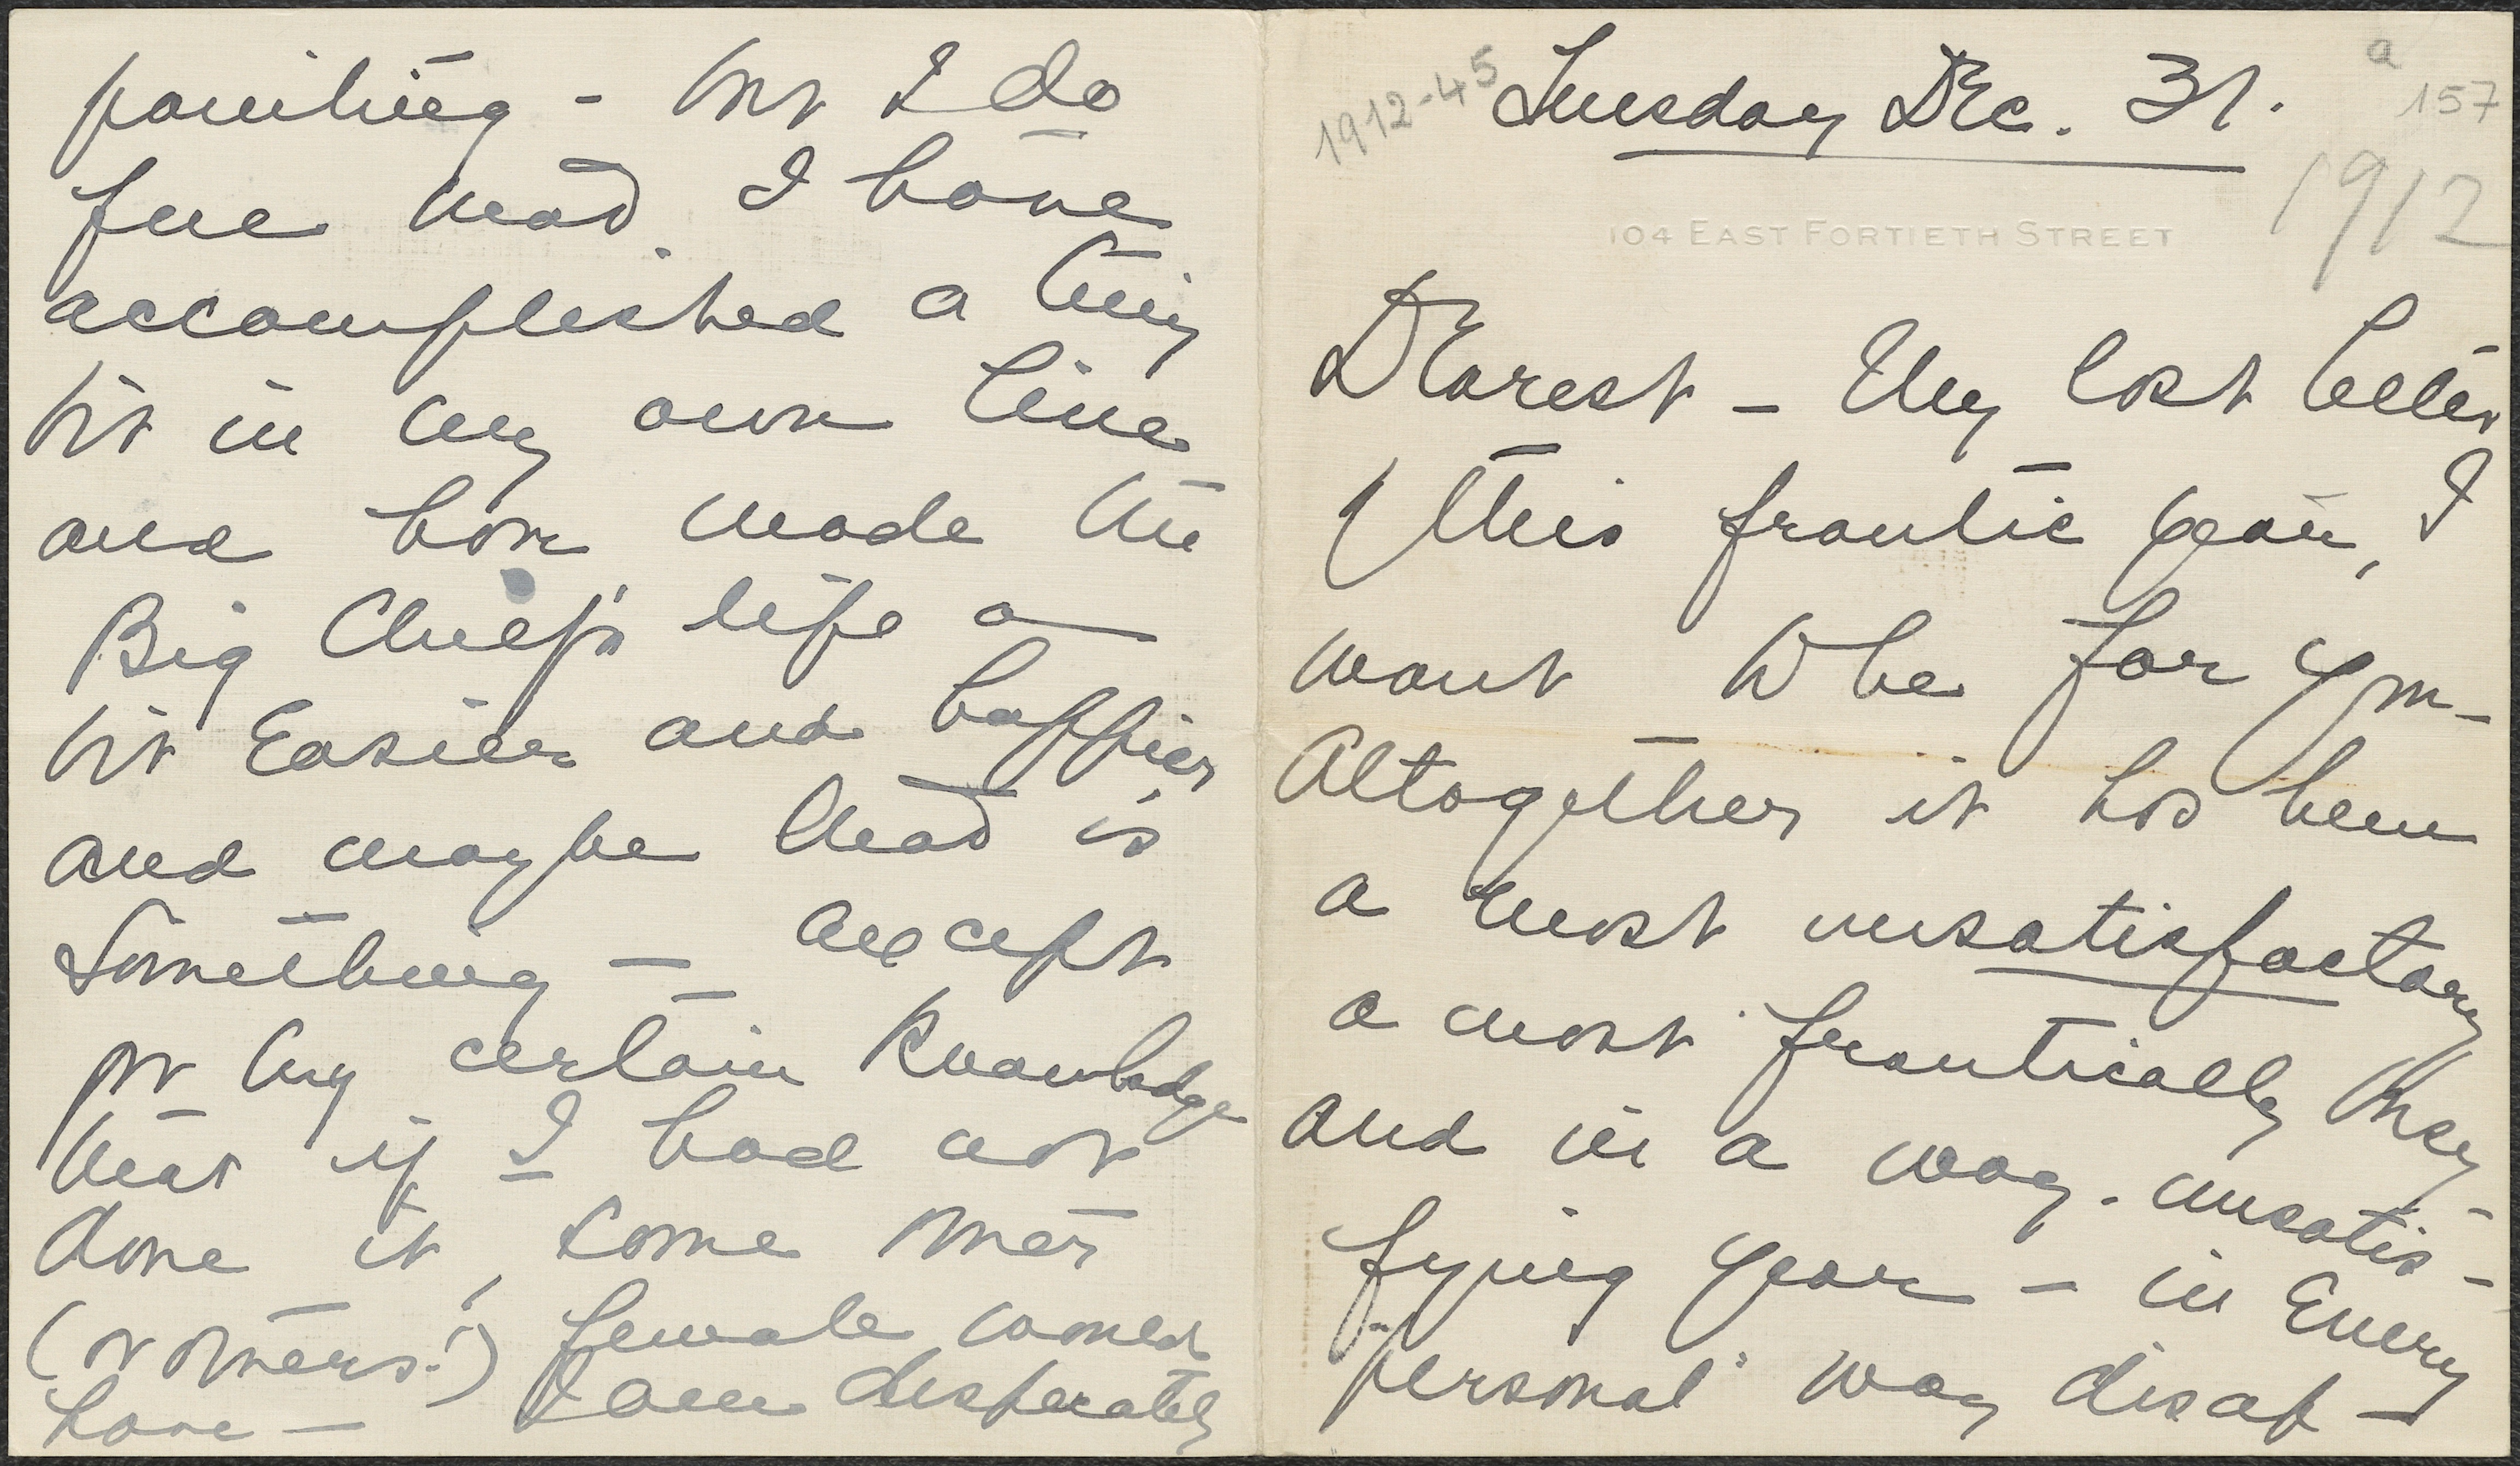Tuesday, Dec. 31.
Dearest – My last letter of this frantic year, I want to be for you – altogether it has been a most unsatisfactory a most frantically busy and in a way, unsatisfying year – in every personal way disappointing
– but I do feel that I have accomplished a tiny bit in my own line and have made the Big Chief’s life a bit easier and happier and maybe that is something – except for my certain knowledge that if I had not done it, some other (or others!) female would have – I am desperately